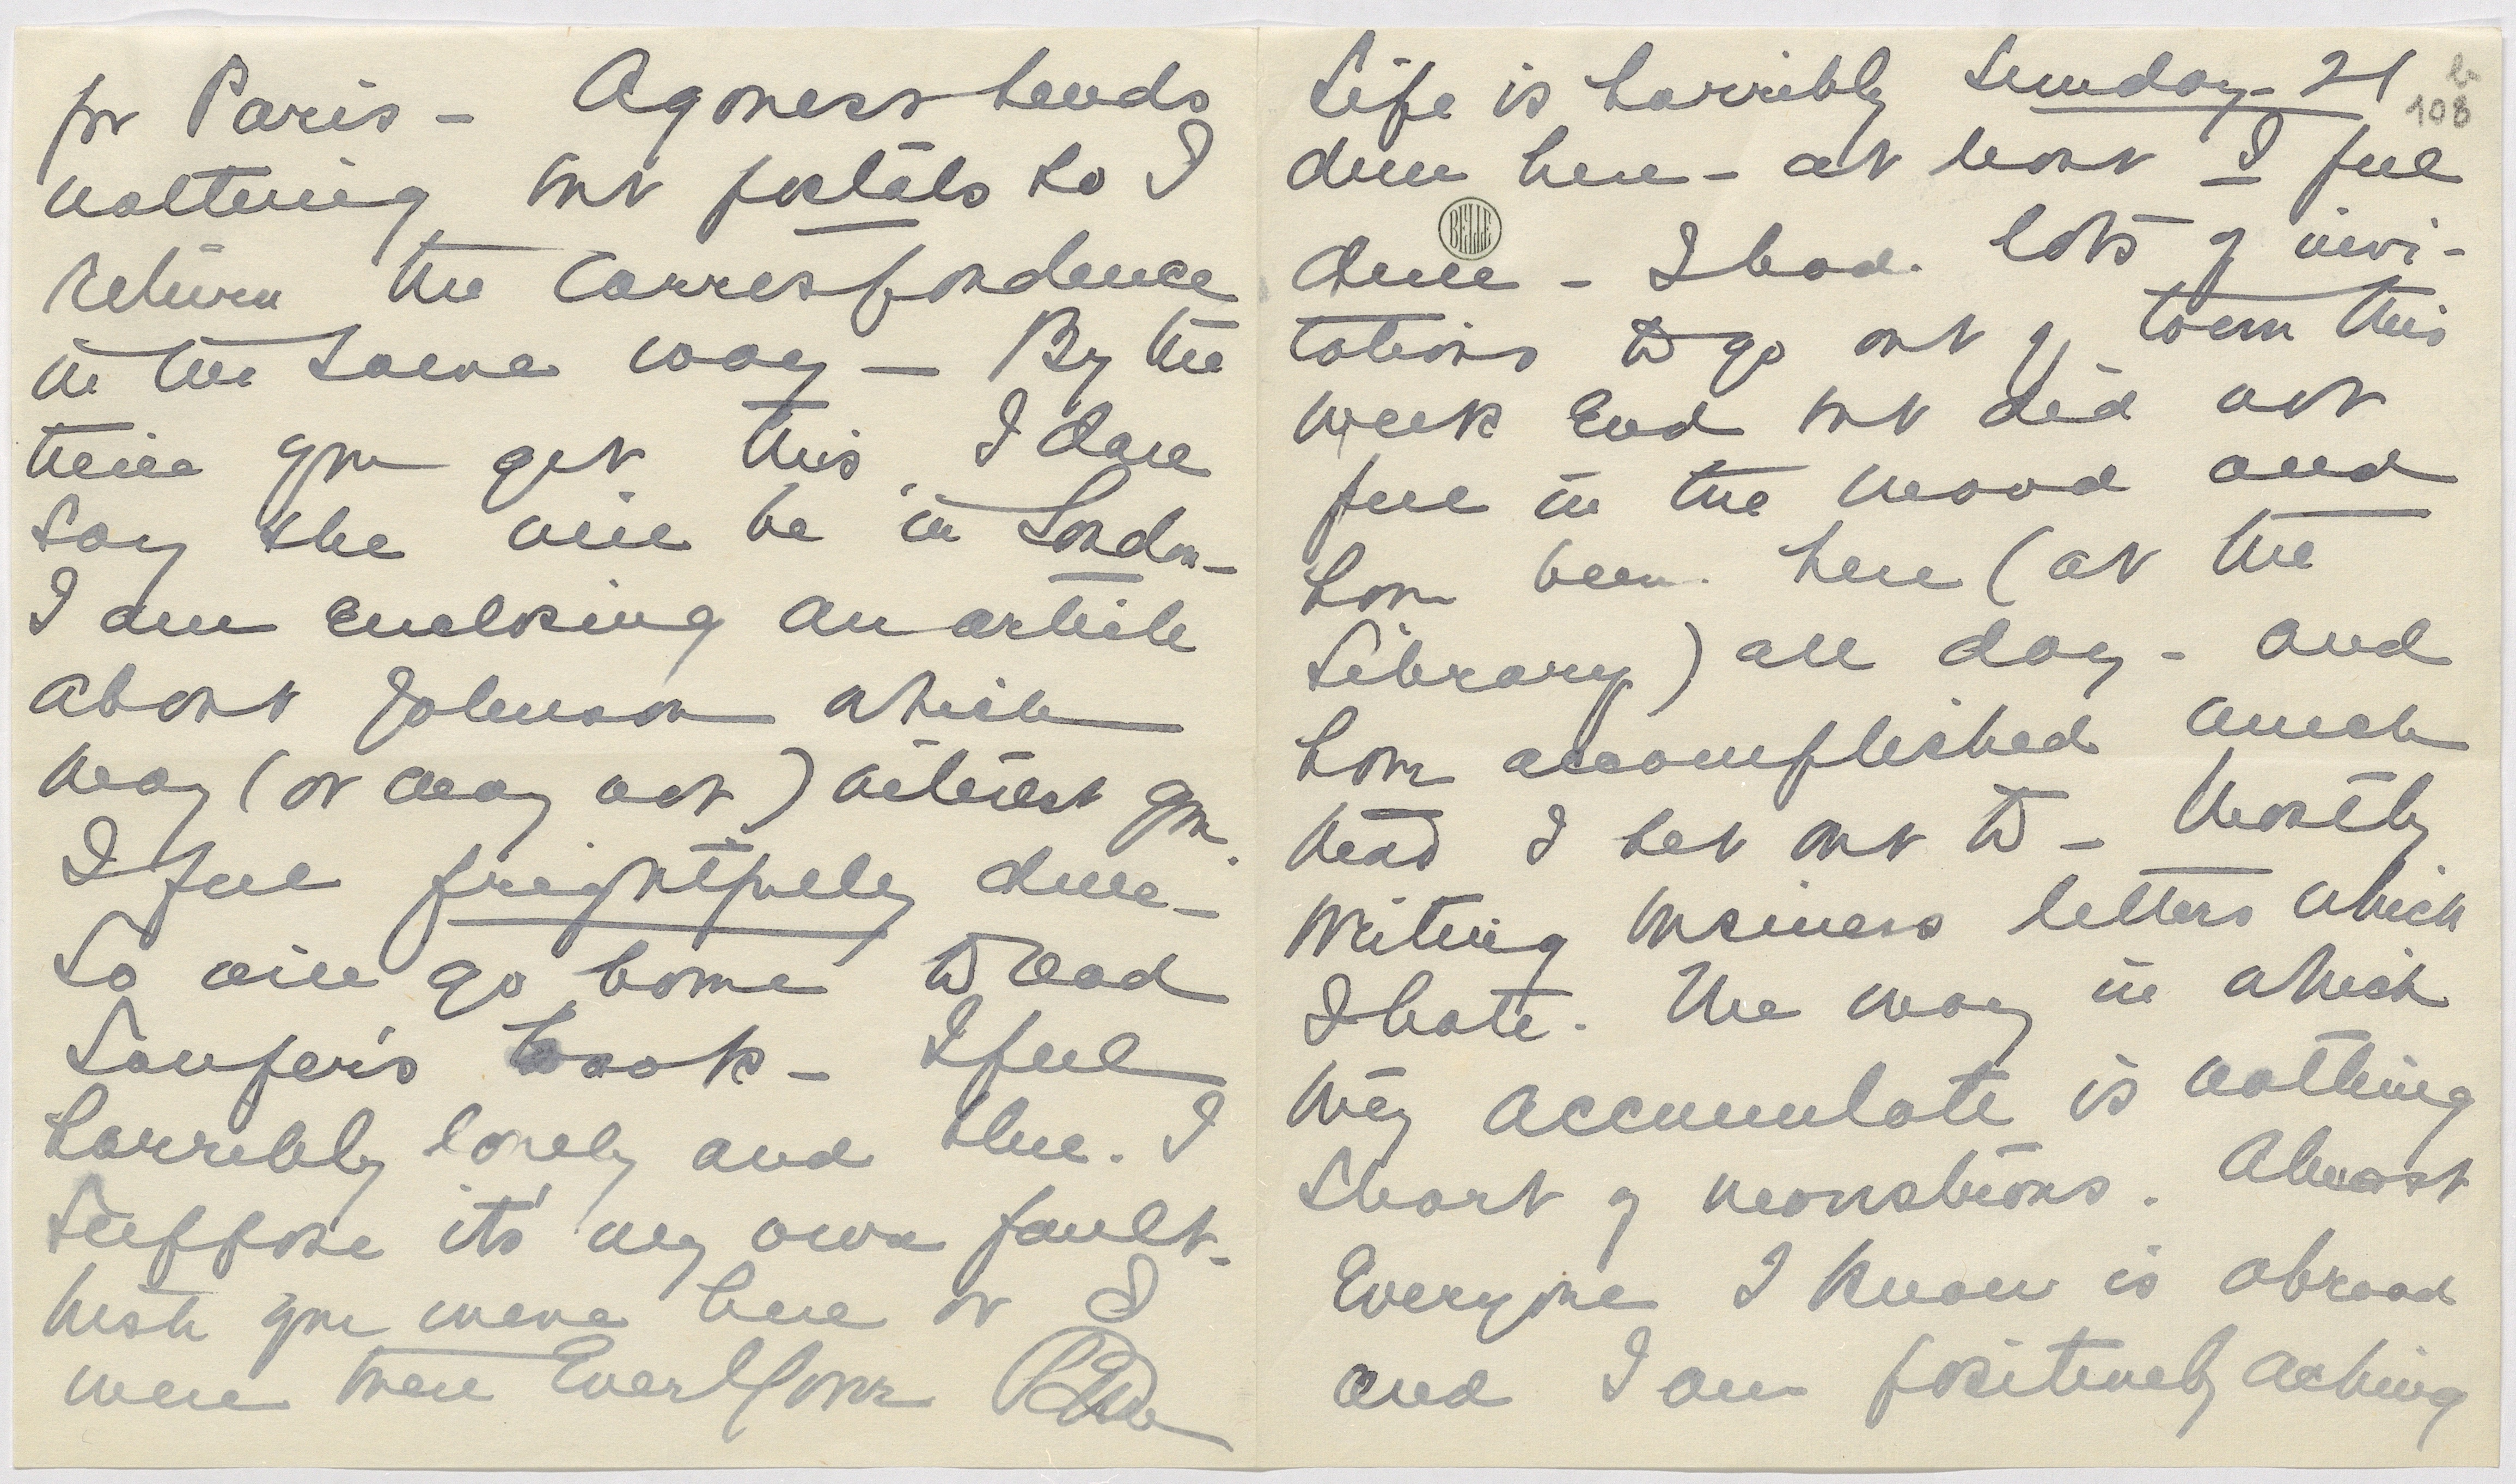Sunday 21
life is horribly dull here – at least I feel dull – I had lots of invitations to go out of town this week end but did not feel in the mood and have been here (at the Library) all day – and have accomplished much that I set out to – mostly writing business letters which I hate. The way in which they accumulate is nothing short of monstrous. Almost everyone I know is abroad and I am positively aching
for Paris – Agoness sends nothing but pastels so I return the correspondence in the same way – By the time you get this, I dare say she will be in London – I am enclosing an article about Johnson which may (or may not) interest you. I feel frightfully dull – So will go home to read Laufer’s book – I feel horribly lonely and blue. I suppose it’s my own fault. Wish you were here or I were there Ever Your Belle